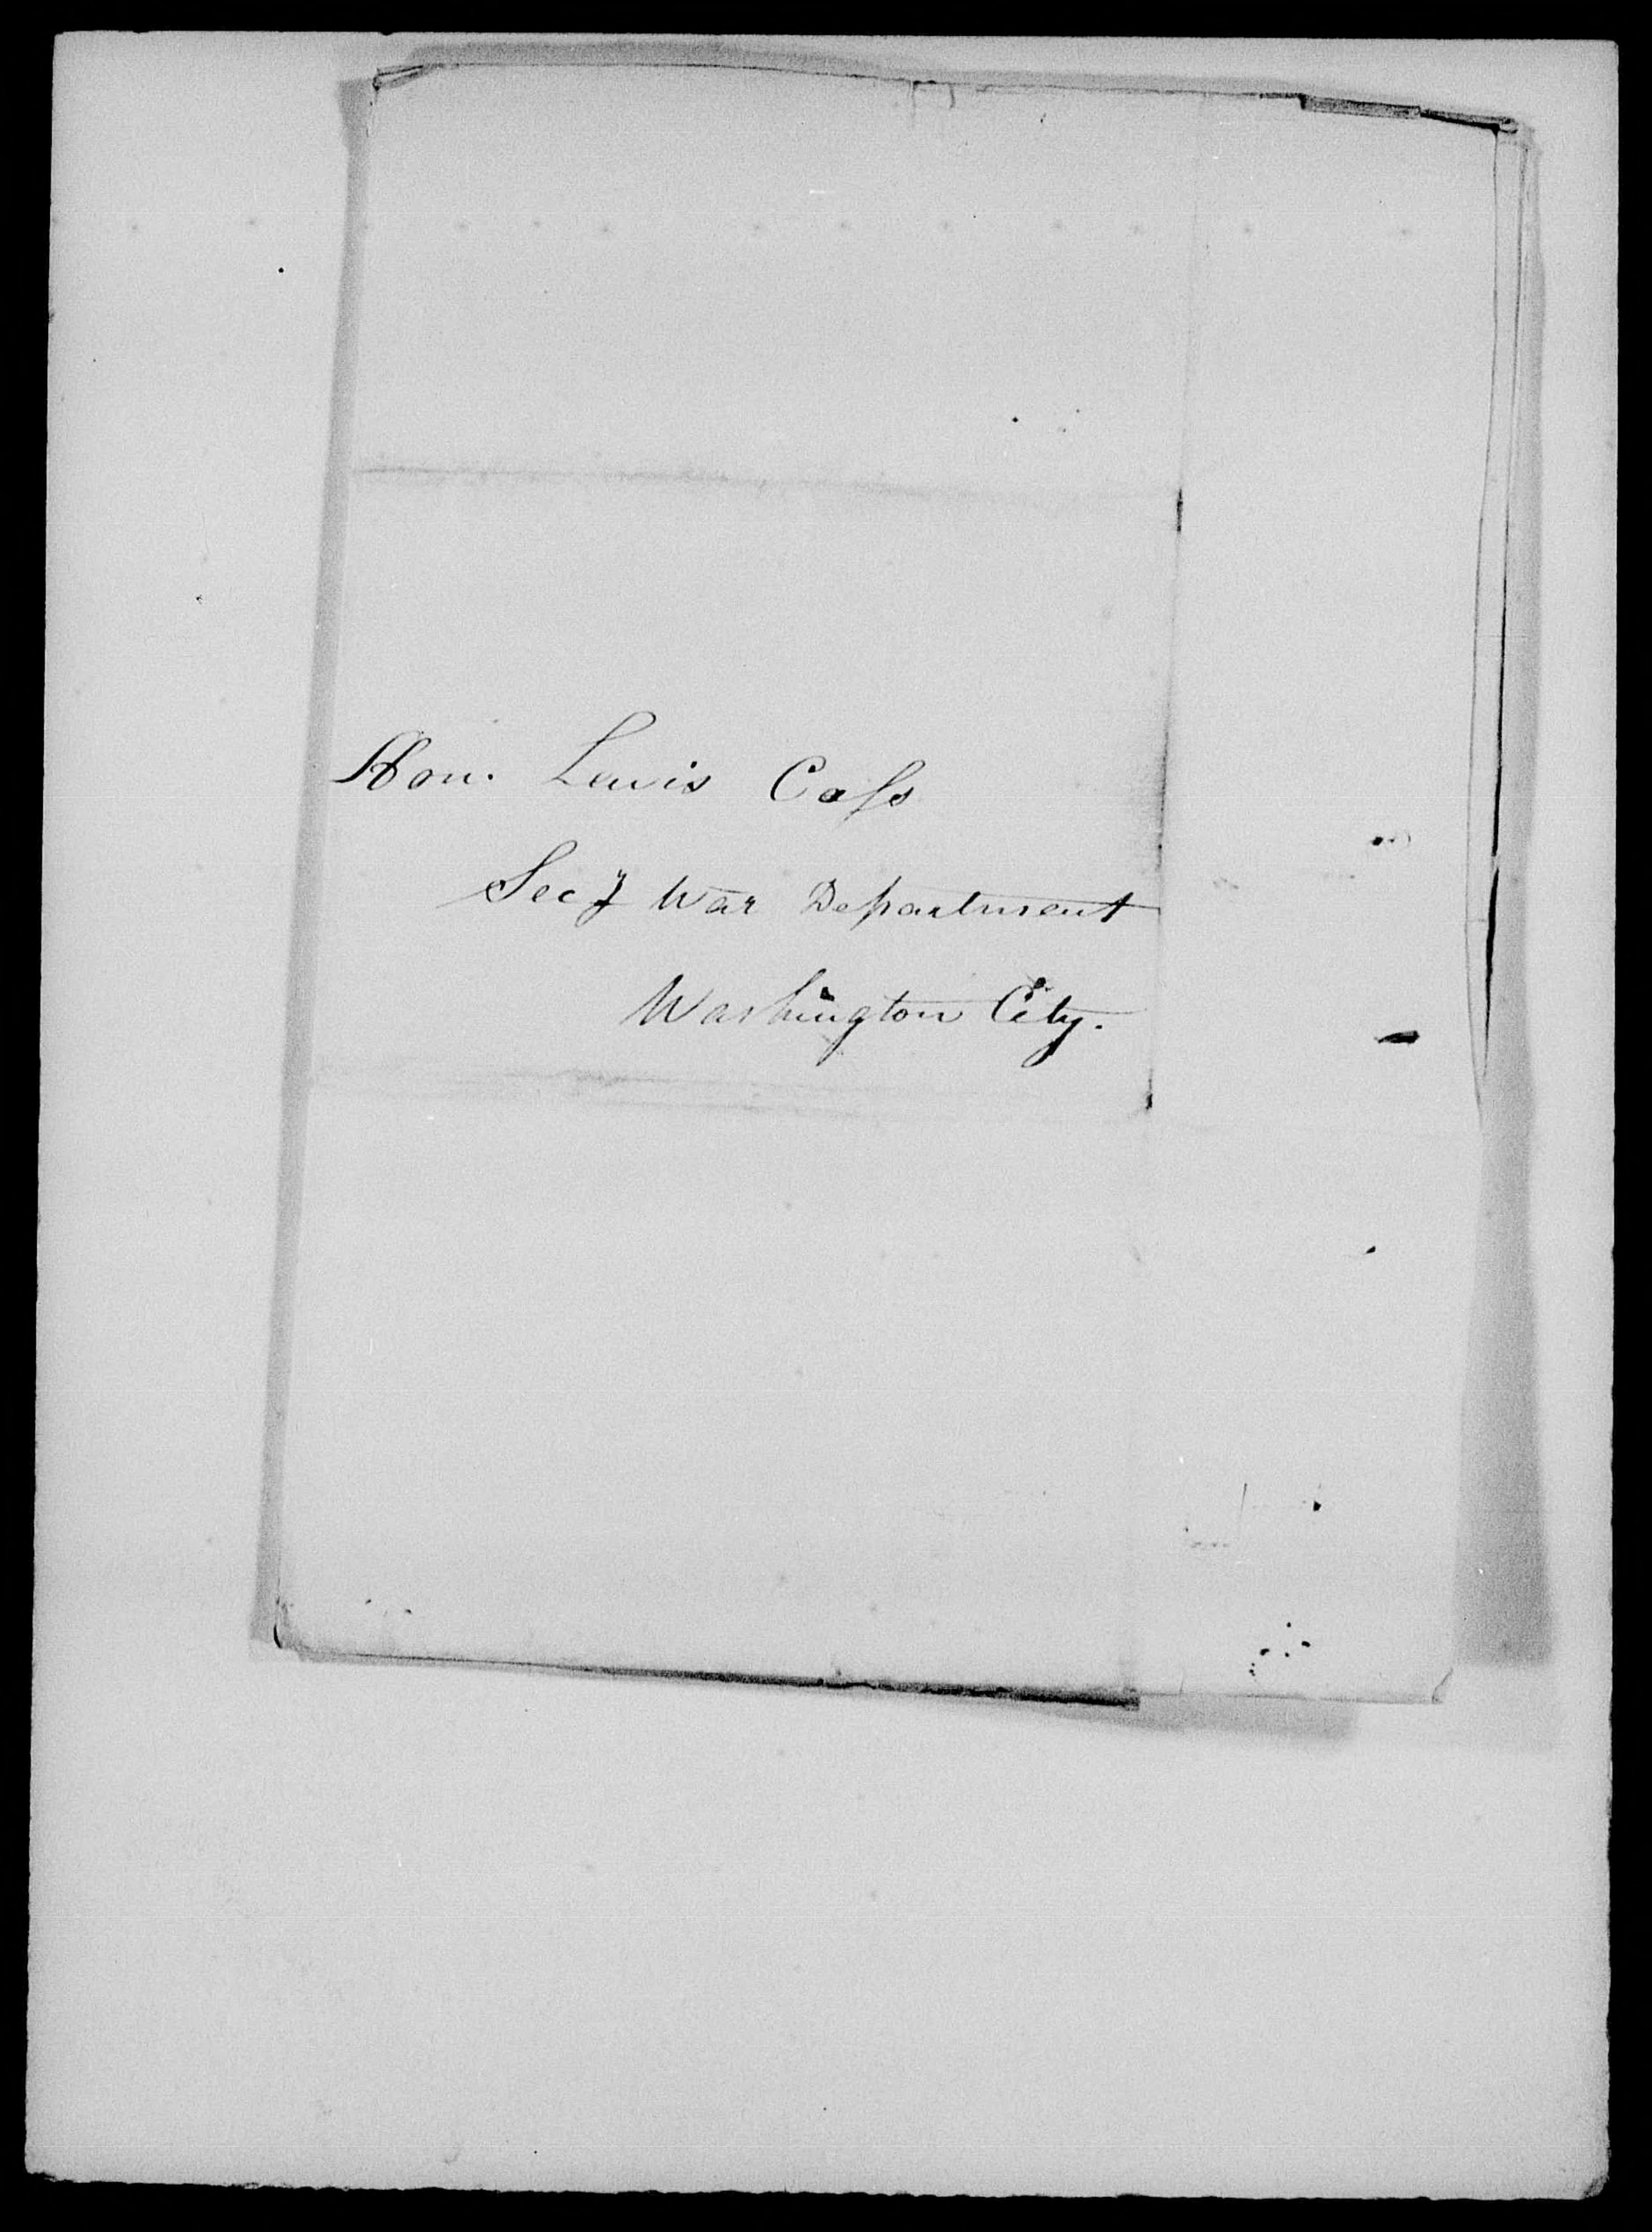Hon Lewis Cass
Secy War Department
Washington City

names: Lewis Cass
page: 14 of 15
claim: survivor's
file: S. 883, Thomas Harrison, New Jersey